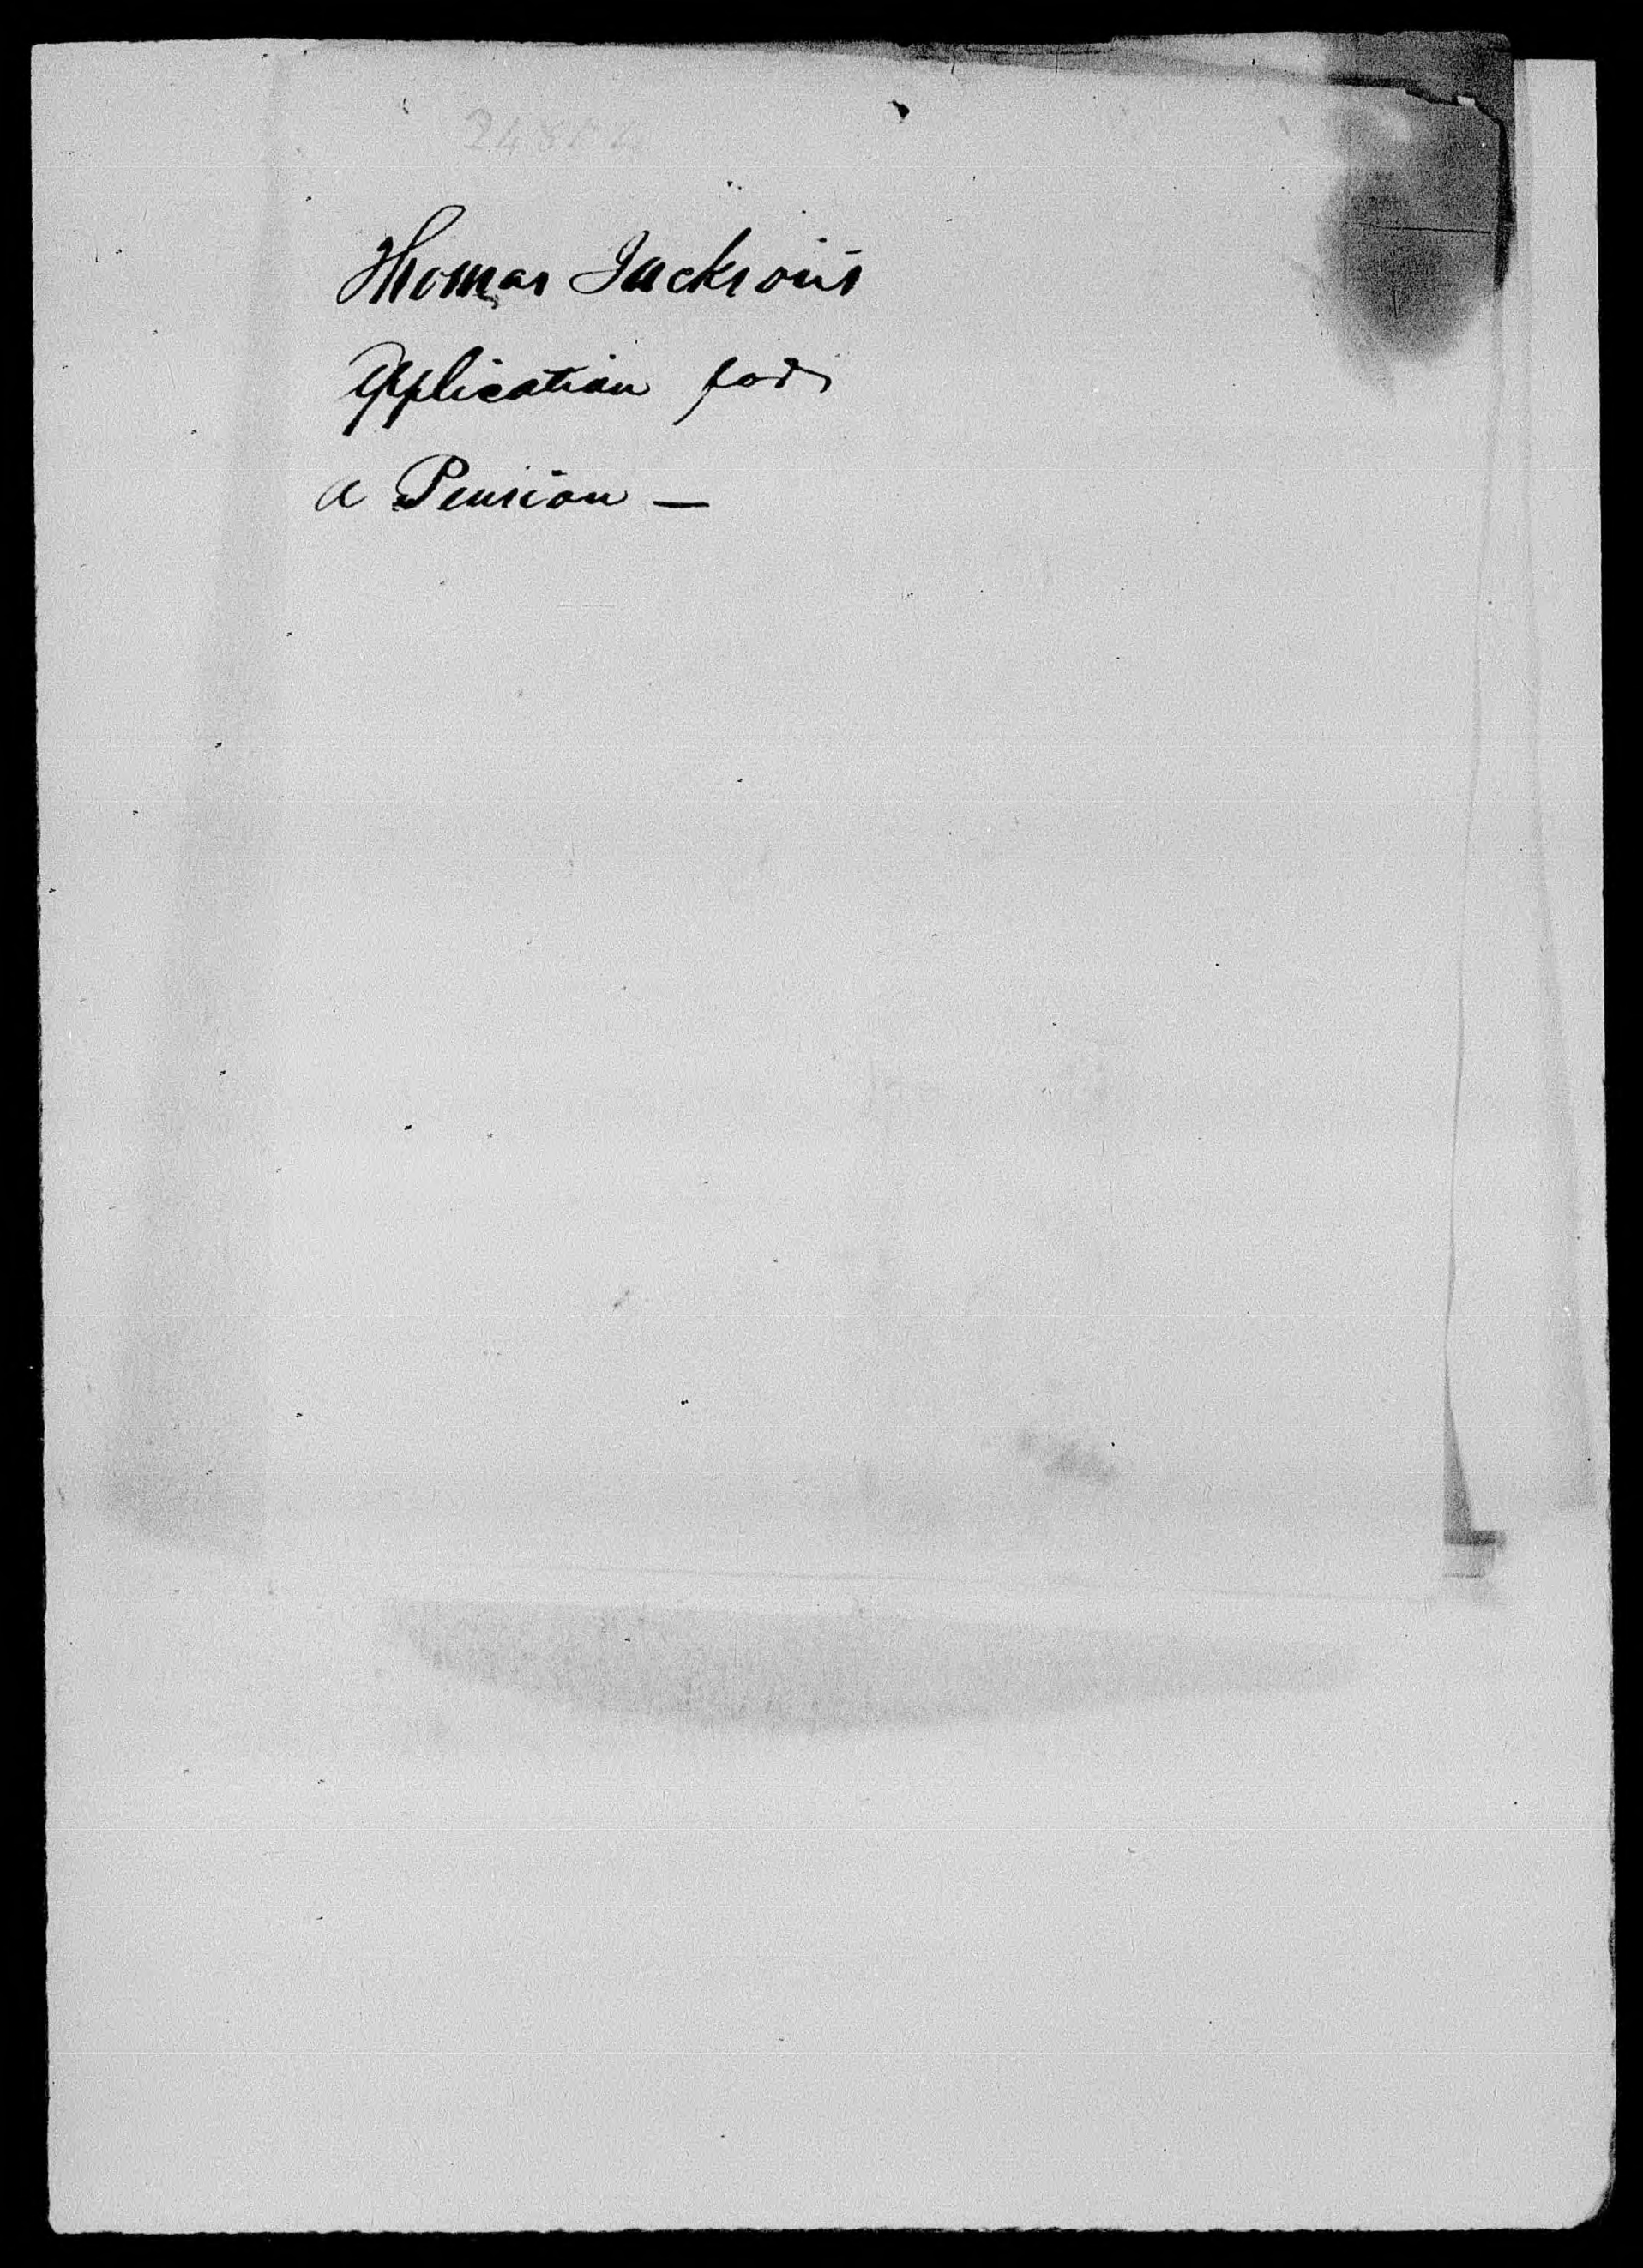248?2
Thomas Jackson's
Application for
a Pension -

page: 3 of 54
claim: survivor's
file: S. 31166, for Thomas Jackson, South Carolina